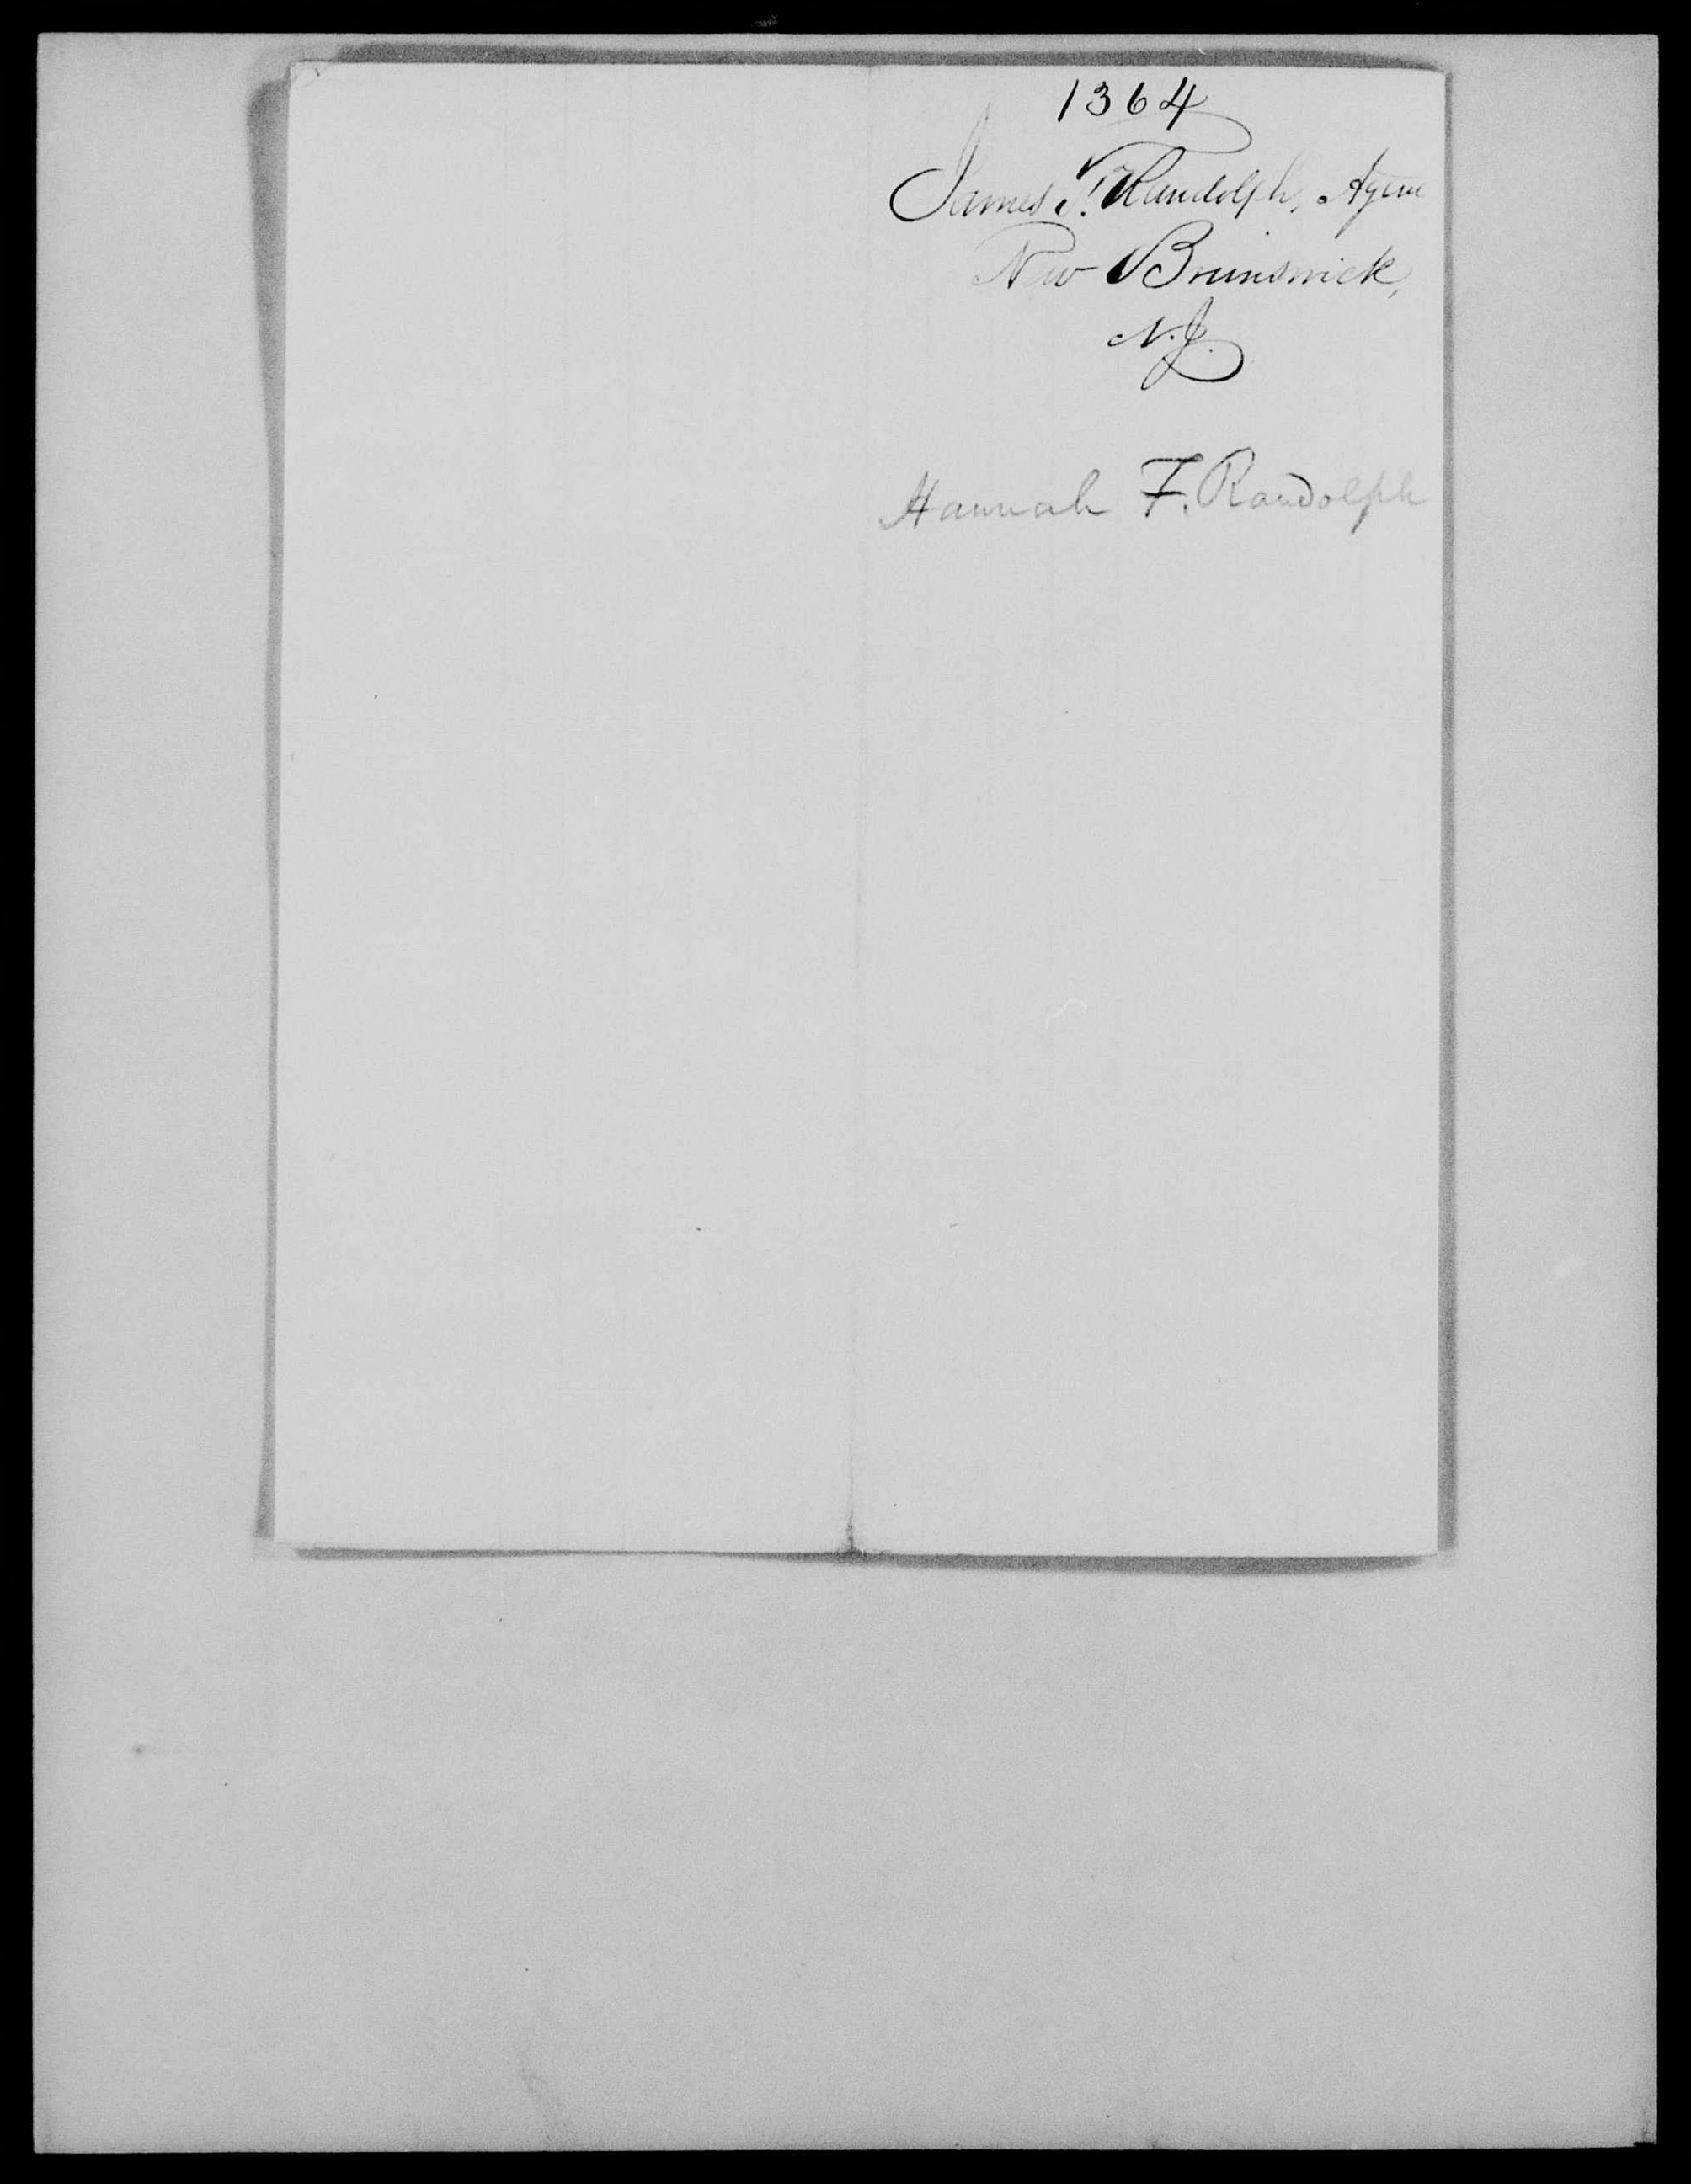1364
James F. Randolph, Agim
New Brunswick,
N. J.
Hannah F. Randolph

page: 25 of 33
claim: widow's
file: W. 5,665, for Stelle F Randolph, New Jersey